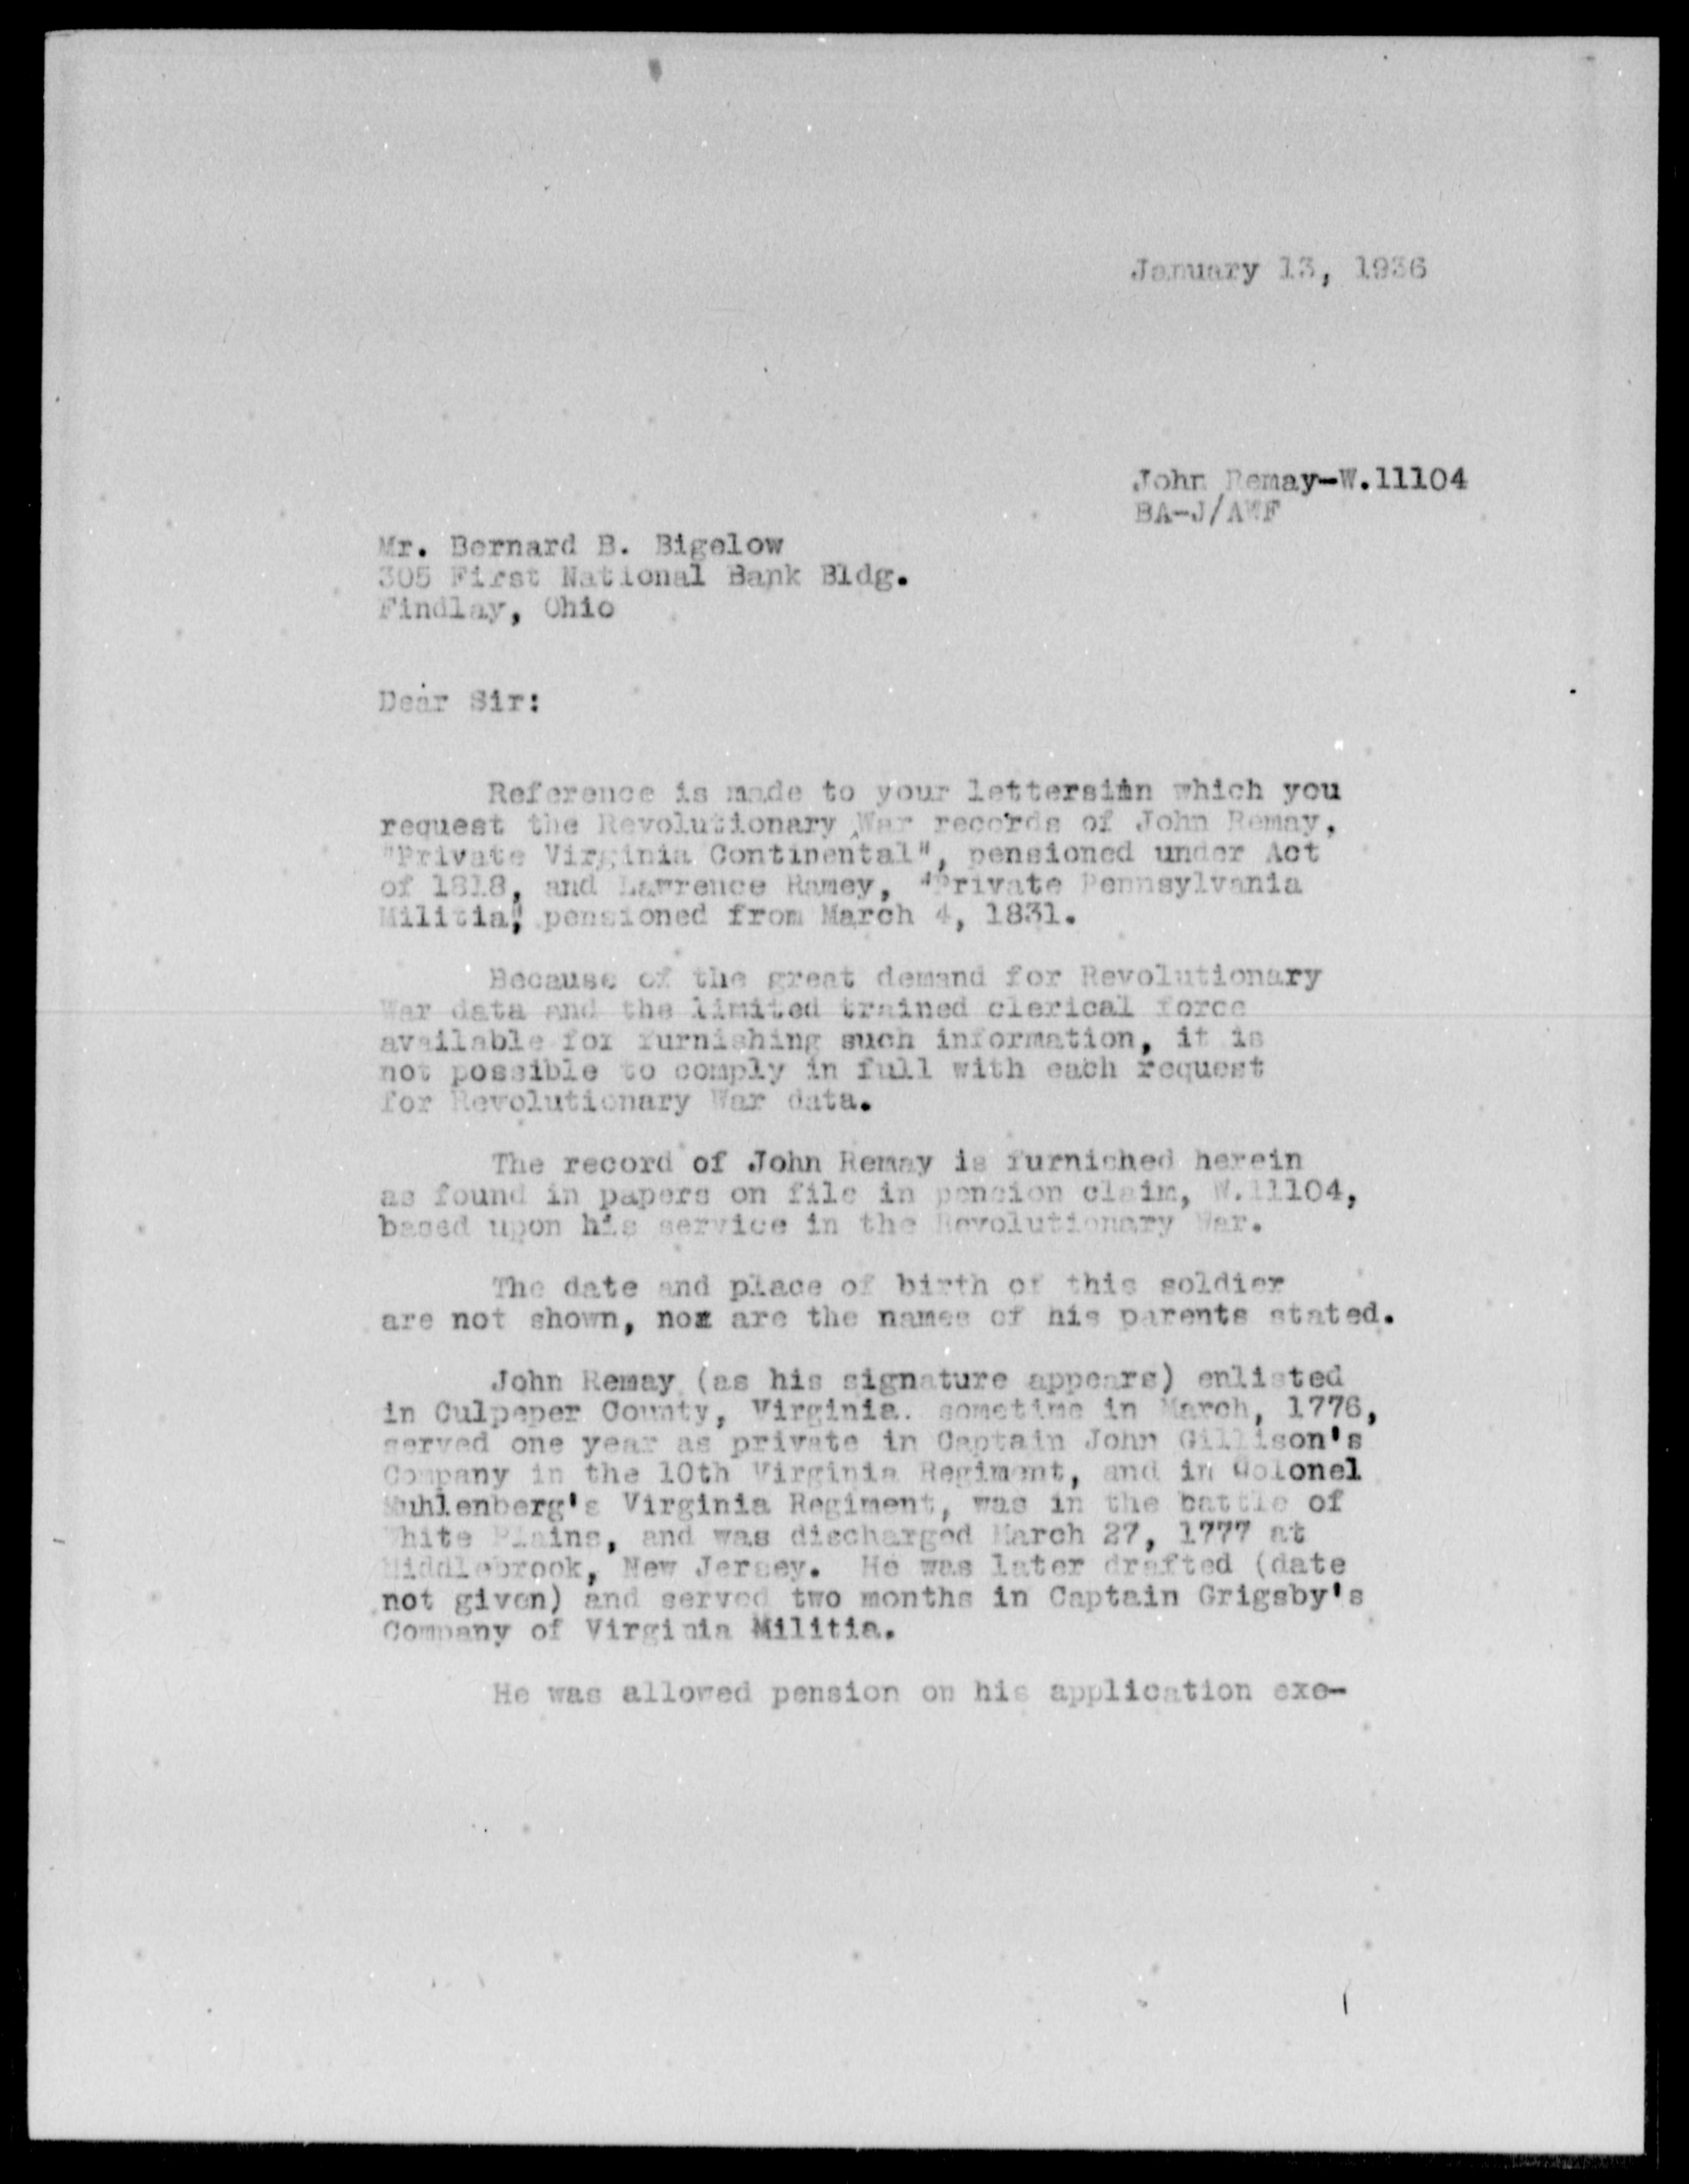January 13, 1936
John Remay-W.1114
BA-J/AWF
Mr. Bernard B. Bigelow
305 First National Bank Bldg.
Findlay, Ohio

Dear Sir:
Reference is made to your letters in which you request the Revolutionary War records of John Remay, "Private Virginia Continental", pensioned under Act of 1818, and Lawrence Ramey, "Private Pennsylvania Militia", pensioned from March 4, 1831.
Because of the great demand for Revolutionary War data and the limited trained clerical force available for furnishing such information, it is not possible to comply in full with each request for Revolutionary War data.
The record of John Remay is furnished herein as found in papers on file in pension claim, W.11104, based upon his service in the Revolutionary War.
The date and place of birth of this soldier are not shown, nor are the names of his parents stated.
John Remay (as his signature appears) enlisted in Culpeper County, Virginia, sometime in March, 1776, served one year as private in Captain John Gillison's Company in the 10th Virginia Regiment, and in Colonel Muhlenberg's Virginia Regiment, was in the battle of White Plains, and was discharged March 27, 1777 at Middlebrook, New Jersey. He was later drafted (date not given) and served two months in Captain Grigsby's Company of Virginia Militia.
He was allowed pension on his application exe-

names: John Remay; Bernard B Bigelow; John Remay; Lawrence Ramey; John Remay; John Remay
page: 38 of 84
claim: widow's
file: W.11104, for John Remay, Virginia